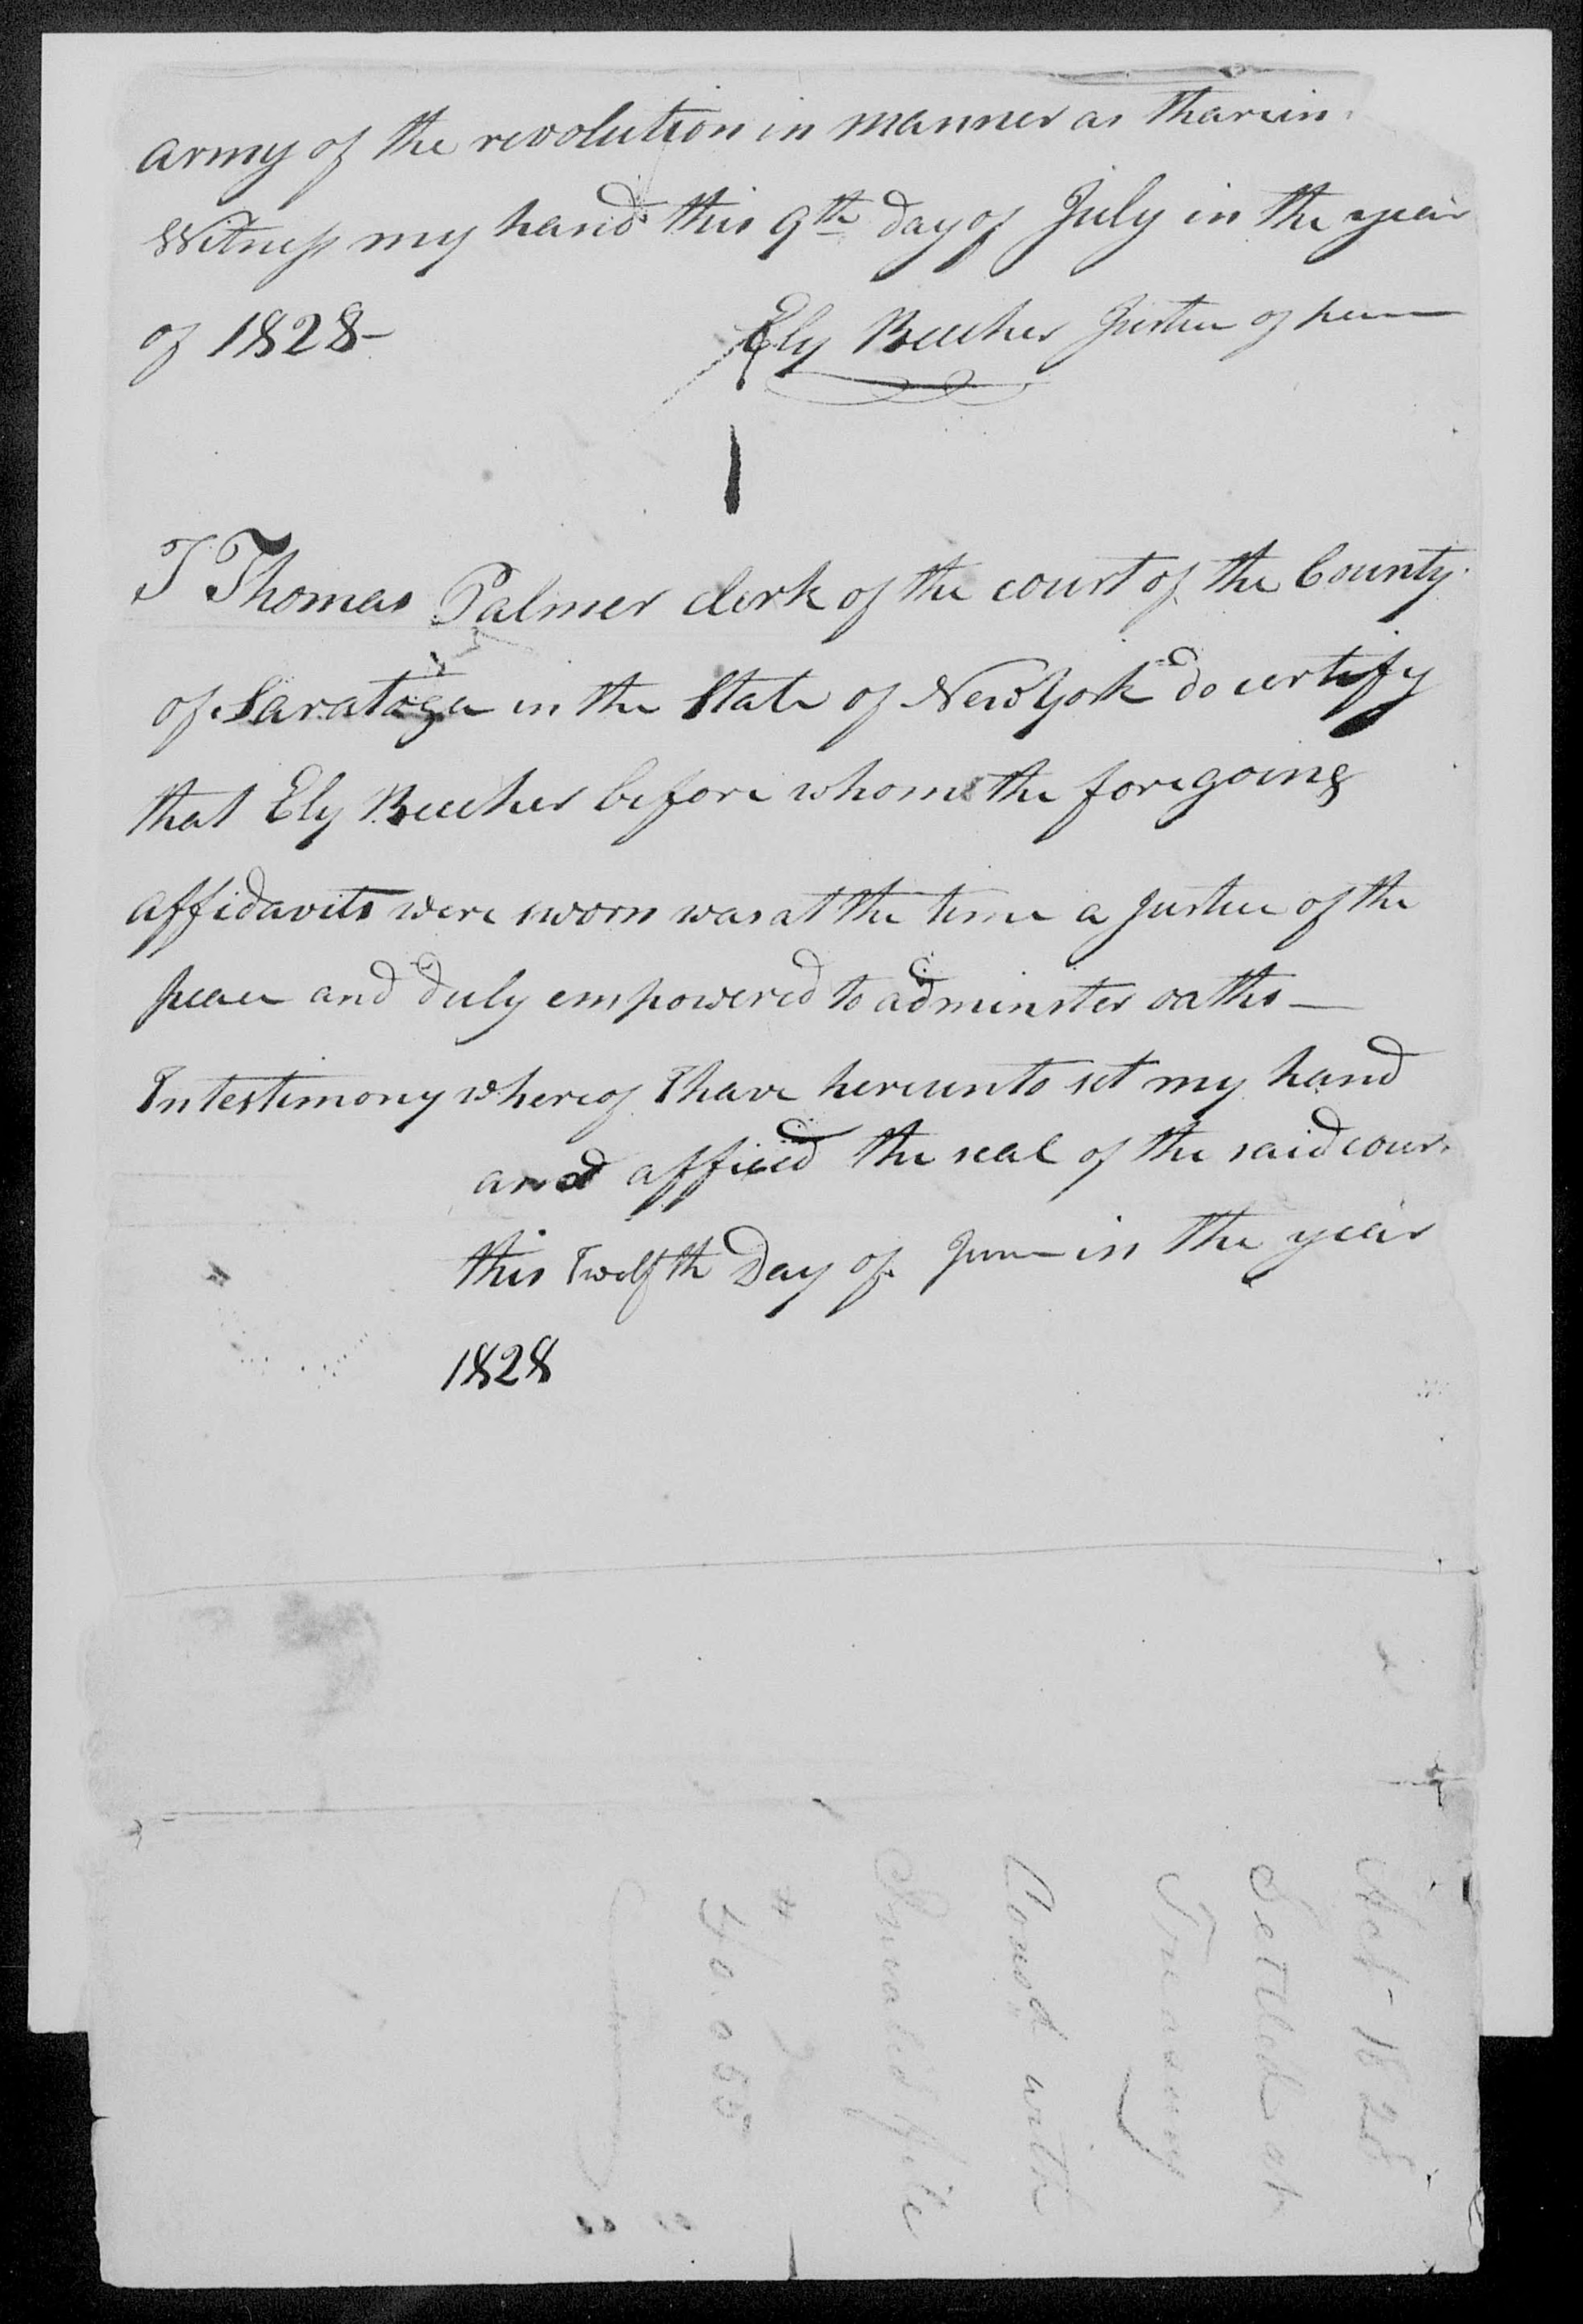army of the revolution in manner as therein witness  my hand this 9th Day of July in the year of 1828
Ely Beecher Justice of the Peace
I Thomas Palmer clerk of the court of the County of Saratoga in the State of New York do certify that Ely Beecher before whom the foregoing affidavits were sworn was at the time a Justice of the Peace and duly empowered to administer oaths
In testimony whereof I have hereunto set my hand and affixed the seal of the said court this twelfth Day of June in the year 1828

Act 1828
Settled at Treasury
Conod with
Invalid file
#40.055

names: Ely Beecher, Ely Beecher, Thomas Palmer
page: 50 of 56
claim: survivor's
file: S. 40,055, Samuel Downing, N.H.